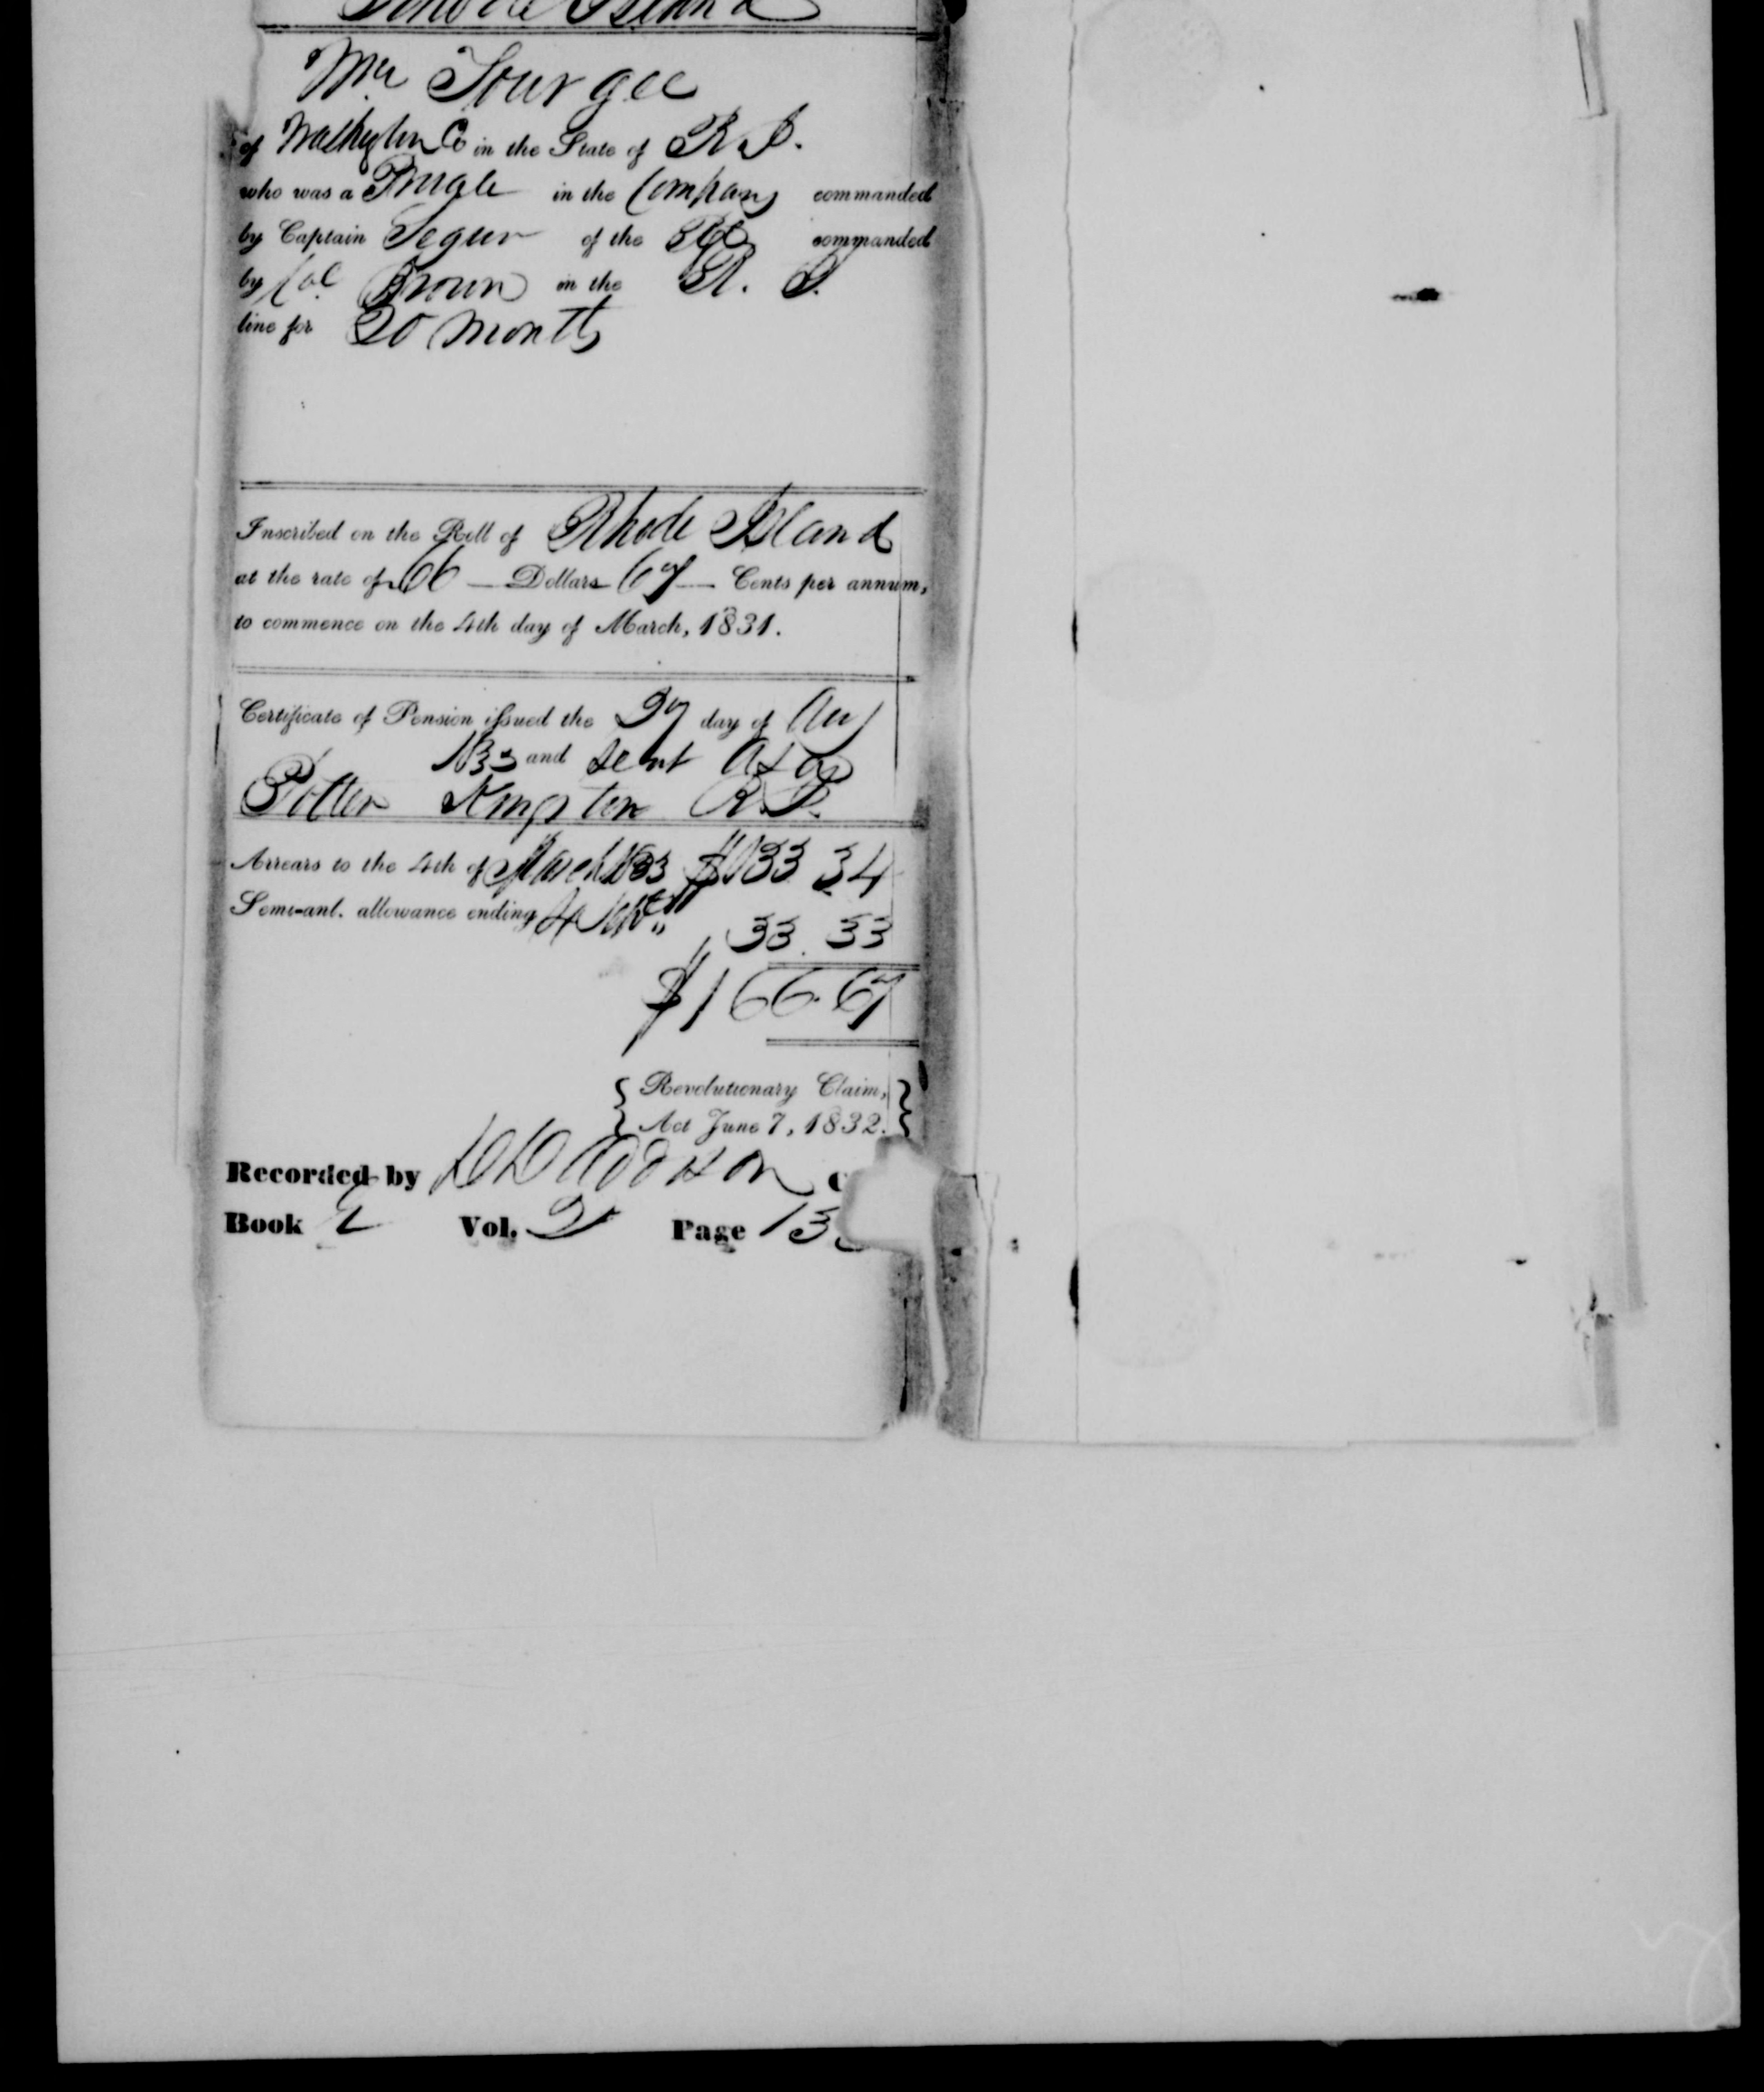[Illegible]
Wm Tourgee
of Washington Co in the State of R.I.
who was a Private in the Company commanded
by Captain Segur of the Rgt commanded
by Col Brown in the R. I.
line for 20 months
Inscribed on the Roll of Rhode Island
at the rate of 66 Dollars 67 - Cents per annum,
to commence on the 4th day of March, 183[?]
Certificate of Pension issued the 27 day of Aug
183[?] and sent Asa
Potter Kingston R.I.
Arrears to the 4th of March $33.34
Semi-anl. allowance ending [illegible] $33.33
$166.67
Revolution Claim,
Act June 7, 1832
Recorded by D D Addison
Book [?] 2 Vol. 2 Page 13[?]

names: Wm Tourgee, Segur, Brown, D D Addison, Asa Potter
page: 2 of 21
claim: survivor's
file: S. 21537, William Tourgee, R.I.